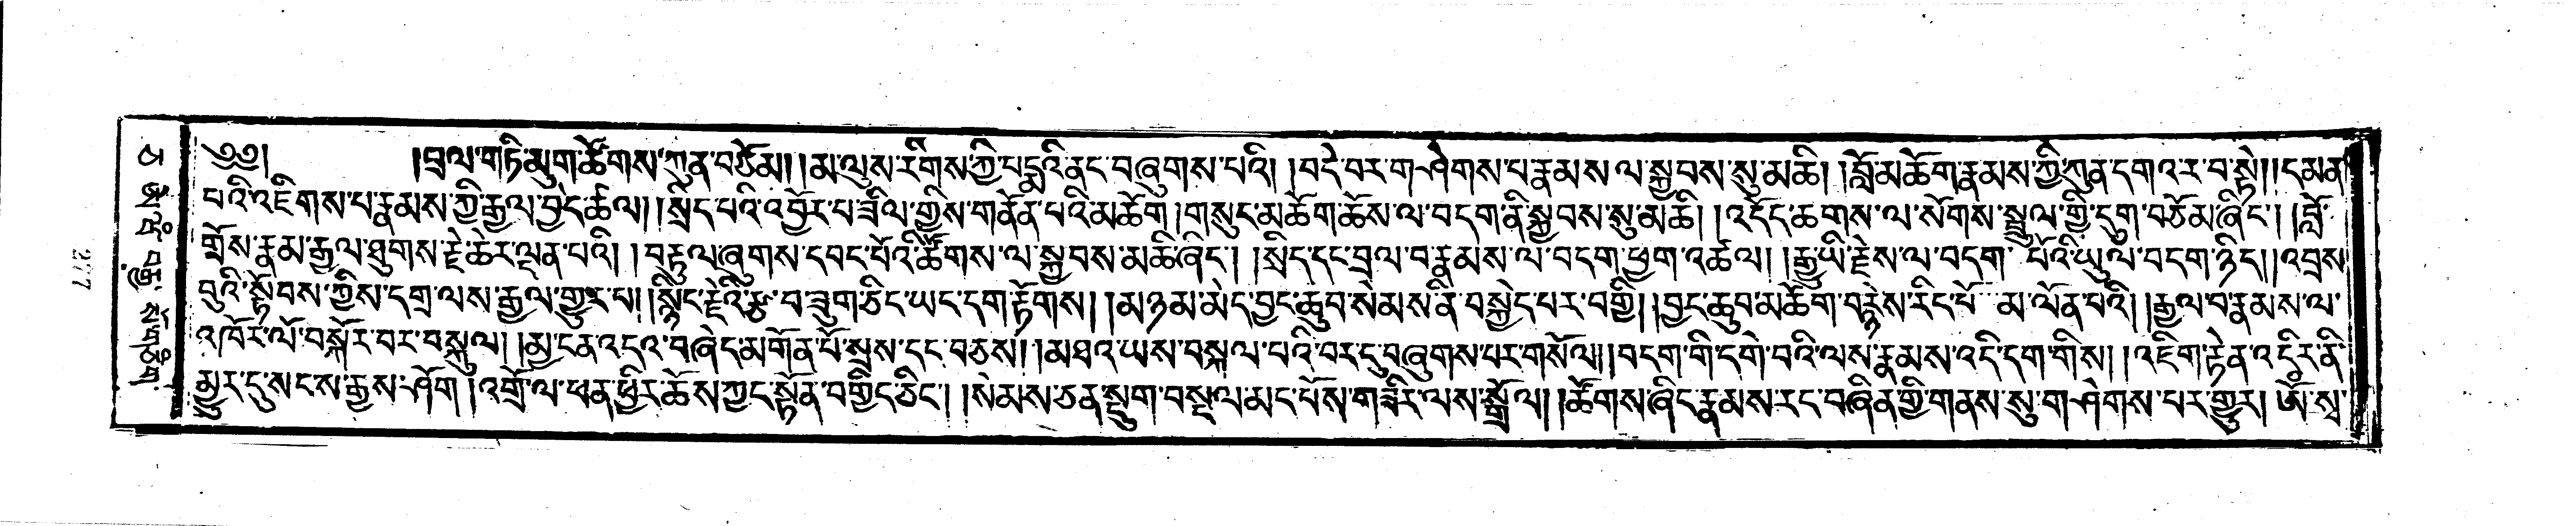༄༅། །བྲལ་གཏི་མུག་ཚོགས་ཀུན་བཅོམ། །མ་ལུས་རིགས་ཀྱི་པདམའི་ནང་བཞུགས་པའི། །བདེ་བར་གཤེགས་པ་རྣམས་ལ་སྐྱབས་སུ་མཆི། །བློ་མཆོག་རྣམས་ཀྱི་ཀུན་དགའ་ར་བ་སྟེ། །དམན་
པའི་འཇིགས་པ་རྣམས་ཀྱི་རྒྱལ་བྱེད་ཚལ། །སྲིད་པའི་འབྱོར་པ་ཟིལ་གྱིས་གནོན་པའི་མཆོག །གསུང་མཆོག་ཆོས་ལ་བདག་ནི་སྐྱབས་སུ་མཆི། །འདོད་ཆགས་ལ་སོགས་སྦྲུལ་གྱི་དུག་བཅོམ་ཞིང་། །བློ་
གྲོས་རྣམ་རྒྱལ་ཐུགས་རྗེ་ཆེར་ལྡན་པའི། །བརྟུལ་ཞུགས་དབང་པོའི་ཚོགས་ལ་སྐྱབས་མཆི་ཞིང་། །སྲིད་དང་བྲལ་བ་རྣམས་ལ་བདག་ཕྱག་འཚལ། །རྒྱུ་ཡི་རྗེས་ལ་བདག་པོའི་ཡུལ་བདག་ཉིད། །འབྲས་
བུའི་སྟོབས་ཀྱིས་དགྲ་ལས་རྒྱལ་གྱུར་པ། །སྙིང་རྗེའི་རྩ་བ་ཟུག་ཅིང་ཡང་དག་རྟོགས། །མཉམ་མེད་བྱང་ཆུབ་སེམས་ནི་བསྐྱེད་པར་བགྱི། །བྱང་ཆུབ་མཆོག་བརྙེས་རིང་པོ་མ་ལོན་པའི། །རྒྱལ་བ་རྣམས་ལ་
འཁོར་ལོ་བསྐོར་བར་བསྐུལ། །མྱ་ངན་འདའ་བཞེད་མགོན་པོ་སྲས་དང་བཅས། །མཐའ་ཡས་བསྐལ་པའི་བར་དུ་བཞུགས་པར་གསོལ། །བདག་གི་དགེ་བའི་ལས་རྣམས་འདི་དག་གིས། །འཇིག་རྟེན་འདིར་ནི་
མྱུར་དུ་སངས་རྒྱས་ཤོག །འགྲོ་ལ་ཕན་ཕྱིར་ཆོས་ཀྱང་སྟོན་བགྱིད་ཅིང་། །སེམས་ཅན་སྡུག་བསྔལ་མང་པོས་གཟིར་ལས་སྒྲོལ། །ཚོགས་ཞིང་རྣམས་རང་བཞིན་གྱི་གནས་སུ་གཤེགས་པར་གྱུར། ཨོཾ་སྭ་